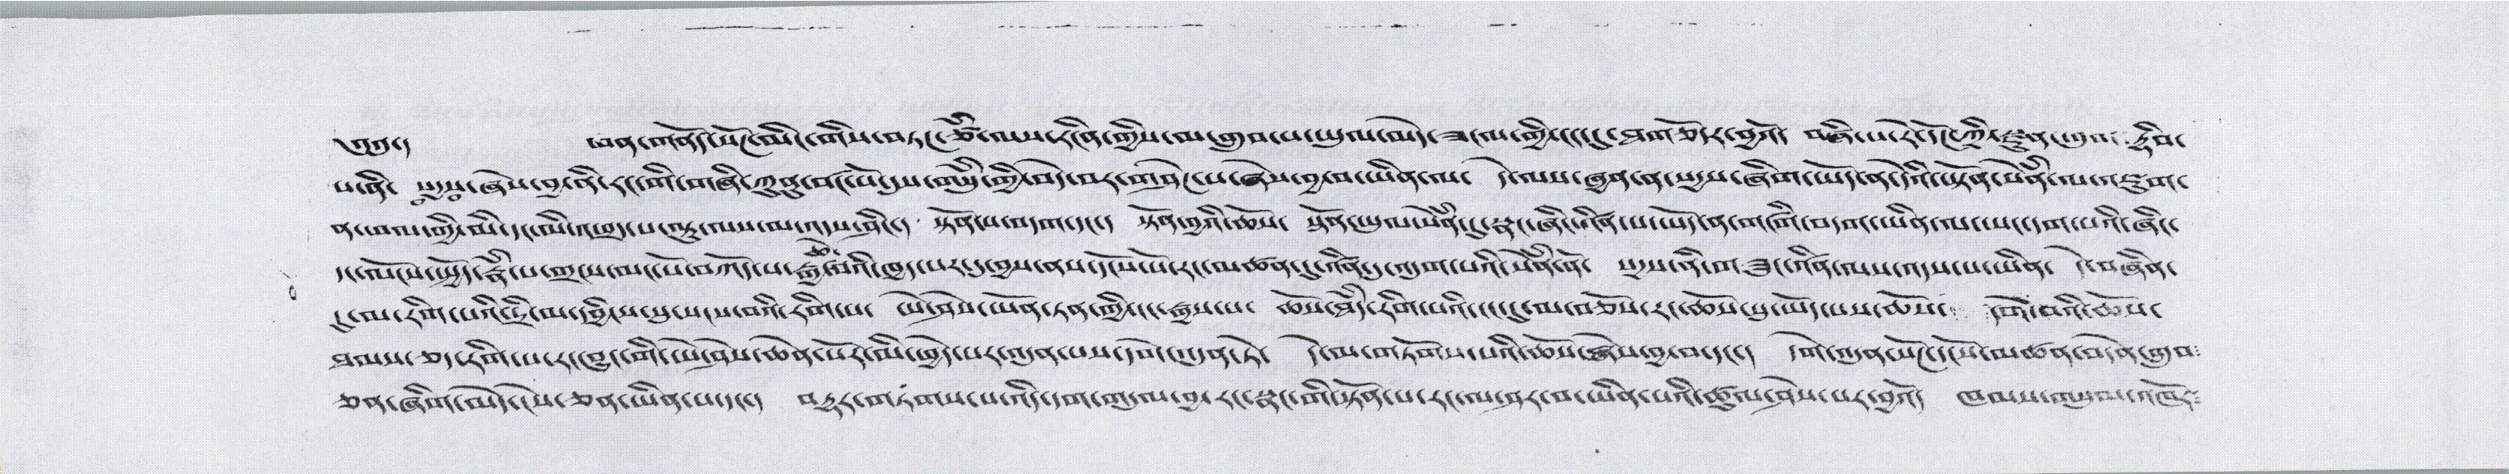ཕན་གནོད་སོགས་མིང་གིས་བཏགས་ཙམ་ལས་རང་བཞིན་གྱིས་མ་གྲུབ་པ་ཡུལ་མེད་ཟང་ཐལ་ངང་དུ་ཐག་གཅོད་པར་བྱའོ། བཞི་པ་རེ་དྭོགས་ཀྱི་རྫུན་ཕུག་རྡིབ་
པ་ནི། སངས་རྒྱས་ཞེས་བྱ་བ་ནི་རང་གི་གཞི་ཀུན་ཏུ་བཟང་པོ་དུས་གསུམ་གྱི་བདེ་བར་གཤེགས་པ་ཞེས་བྱ་བ་ཡིན་ལ། དེ་ལས་གཞན་ན་སངས་རྒྱས་ཤིག་ཡོད་ན་དེའི་ཡོན་ཏན་སེམས་ཅན་ལ་འཇུག་
ན་ཕལ་གྱི་མི་དང་མི་འཕྲད་པ་ལྟ་བུ་ལས་མ་འདས་ཤིང་། སྟོན་པ་བདག་དང་། སྟོན་བྱའི་ཆོས་དང་། སྟོན་ཡུལ་སེམས་ཅན་དུ་སྣང་ཞིང་འཛིན་པ་ཡོད་ན་གང་ཟག་གི་བདག་ཡིན་ལ་ཡང་དག་པའི་ཞིང་
དང་ལོངས་སྤྱོད་རྣམ་པ་གྲངས་མང་པོ་བཀོད་པ་རྒྱ་ཆེ་བའི་ཁྱད་པར་དུ་བྱས་ནས་དངོས་པོ་རང་མཚན་དུ་འཛིན་པ་འདུག་པའི་སེམས་ཅན་ནོ། སངས་རྒྱས་ནི་གཟུང་འཛིན་ལས་འདས་པ་ཡིན། དེ་བཞིན་
དུ་མ་རིག་པའི་དྲི་མ་དབྱིངས་སུ་སངས་པའི་རིག་པ། ཡེ་ཤེས་ཡོན་ཏན་གྱི་ངང་རྒྱས་པ། ཆོས་ཐམས་ཅད་རིག་པའི་ངང་དུ་མ་བཅོས་རང་ཆོས་སུ་ཡོད་པས་ཆོས། དགེ་བའི་ཆོས་
ཐམས་ཅད་རིག་པ་རང་བྱུང་གི་ཡེ་ཤེས་ཆེན་པོར་མི་ཕྱེད་པར་འདུན་པས་དགེ་འདུན་ཏེ། དེ་མ་གཏོགས་པའི་ཆོས་ཞེས་བྱ་བ་དང་། དགེ་འདུན་དངོས་མཚན་བདེན་གྲུབ་
ཅན་གཞི་མེད་ངེས་ཅན་ཡིན་པ་དང་། བརྡར་བཏགས་པ་འདི་དག་གདུལ་བྱ་རང་སྣང་གི་སྟོན་པ་རང་ལ་ཤར་བ་ཡིན་པའི་ཚུལ་ཤེས་པར་བྱའོ། ཁམས་གསུམ་འཁོར་